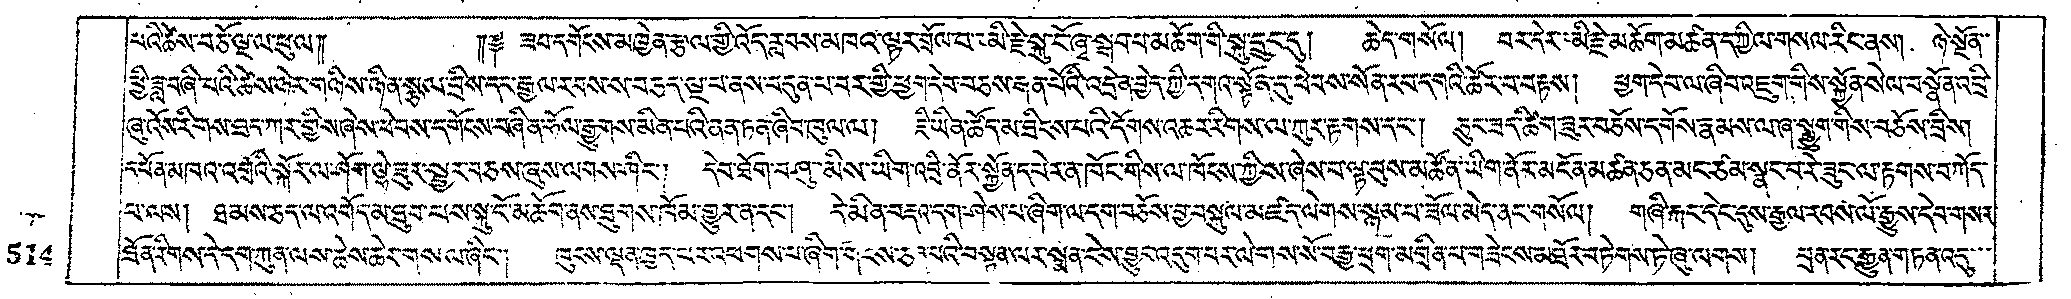པའི་ཚེས་བཅོ་ལྔ་ལ་ཕུལ།། །། འ་ཟབ་དགོངས་མཁྱེན་རྩལ་གྱི་འོད་རླབས་མཁའ་ལྟར་གྲོལ་བ ༧མི་རྗེ་སྐུ་ངོ་ཞྭ་སྒབ་པ་མཆོག་གི་སྐུ་དྲུང་དུ། ཆེད་གསོལ། བར་དེར ༧མི་རྗེ་མཆོག་མཚན་དཀྱིལ་གསལ་རིང་ནས། ཉེ་སྔོན་་་
ཕྱི་ཟླ་བཞི་པའི་ཚེས་ཉེར་གཉིས་ཉིན་སྩལ་བྲིས་དང་རྒྱལ་རབས་ས་བཅད་ལྔ་པ་ནས་བདུན་པ་བར་གྱི་ཕྱག་དེབ་བཅས་རྒན་པོའི་འདྲེན་བྱེད་ཀྱི་དགའ་སྟོན་དུ་ཕེབས་སོན་རབ་དགའི་ཚོར་བ་བརྟས། ཕྱག་དེབ་ལ་ཞིབ་འཇུག་གིས་སྐྱོན་སེལ་བསྣོན་འཕྲི་
ཞུ་འོས་རིགས་ཐད་ཀར་གྱིས་ཞེས་ཕེབས་དགོངས་བཞིན་ཧོལ་རྒྱུགས་མིན་པའི་ནན་ཏན་ཞིབ་ཁུལ་ལ། ཇི་ཡིན་ཚོད་མ་ཐིངས་པའི་དོགས་འཆར་རིགས་ལ་ཀུར་རྟགས་དང་། ཅུང་ཟད་ཚིག་ཟུར་བཅོས་དགོས་རྣམས་ལ་ཞ་སྨྱུག་གིས་བཅོས་བྲིས།
དཔོན་མཁའ་འགྲོའི་སྐོར་ལ་ཤོག་ལྷེ་ཟུར་སྦྱར་བཅས་ཞུས་ལགས་ཤིང་། དེབ་ཐོག་བཤུ་མིས་ཡིག་འབྲི་ནོར་སྐྱོན་དཔེར་ན་ཁོང་གིས་ལ་ཁོངས་ཀྱིས་ཞེས་པ་ལྟ་བུས་མཚོན་ཡིག་ནོར་མངོན་མཚན་ཅན་མང་ཙམ་སྣང་བ་རེ་ཟུང་ལ་རྟགས་བཀོད་
པ་ལས། ཐམས་ཅད་ལ་འགོད་མ་ཐུབ་པས་སྐུ་ངོ་མཆོག་ནས་ཐུགས་ཁོམ་གྱུར་ན་དང་། དེ་མིན་བརྡའ་དག་ཤེས་པ་ཞིག་ལ་དག་བཅོས་བྱ་བསྐུལ་མཛད་ལེགས་སྙམ་པ་ཟོལ་མེད་ནང་གསོལ། གཞི་རྐང་དེང་དུས་རྒྱལ་རབས་ལོ་རྒྱུས་དེབ་གསར་
ཐོན་རིགས་དེ་དག་ཀུན་ལས་ཆེས་ཆེར་གསལ་ཞིང་། ཁུངས་ལྡན་ཁྱད་པར་འཕགས་པ་ཞིག་གངས་ཅན་པའི་བསྟན་ལར་སྨན་ངེས་བྱུང་འདུག་པར་ལེགས་སོ་བརྒྱ་ཕྲག་མགྲིན་པ་གཟེངས་མཐོར་བཏེགས་ཏེ་ཞུ་ལགས། ཕྲན་རང་རྒྱུན་གཏན་འདུ་་་